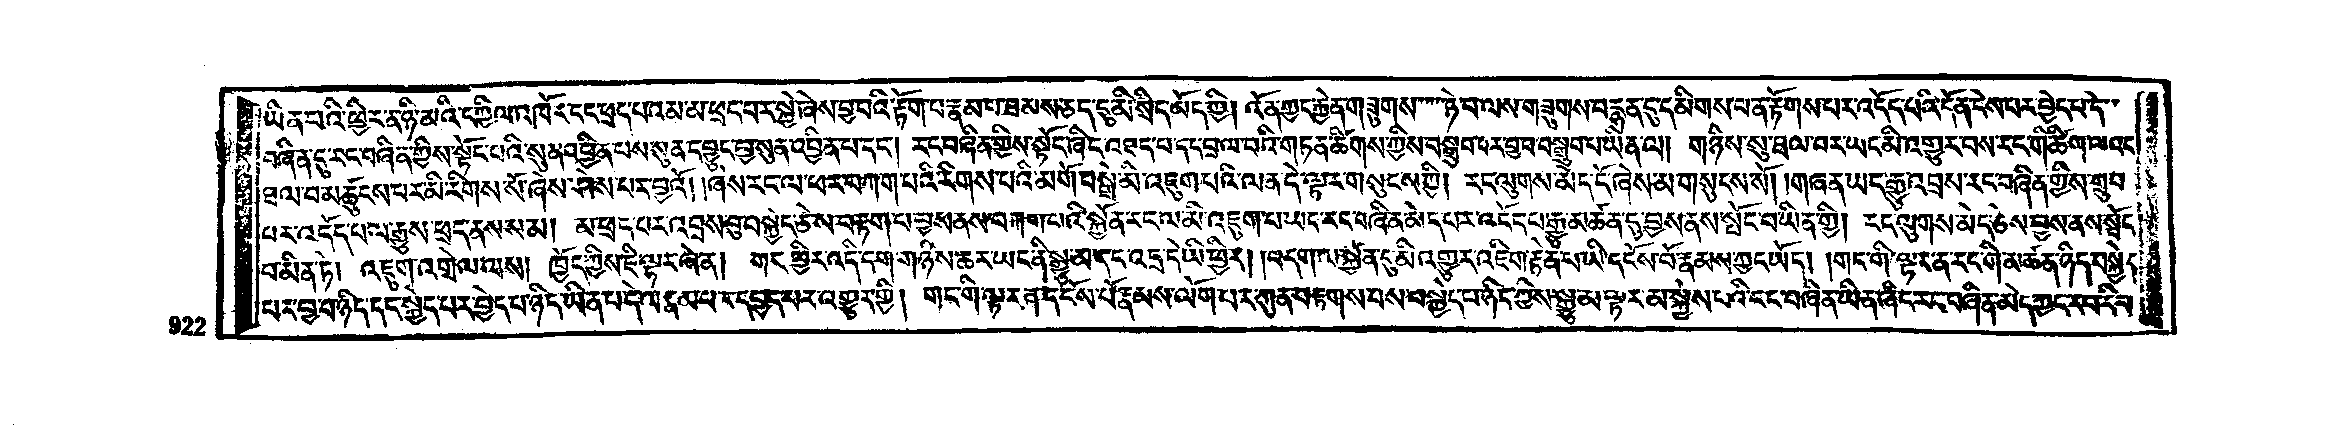ཡིན་པའི་ཕྱིར་ན་ཉི་མའི་དཀྱིལ་འཁོར་དང་ཕྲད་པའམ་མ་ཕྲད་པར་སྐྱེ་ཞེས་བྱ་བའི་རྟོག་པ་རྣམ་པ་ཐམས་ཅད་དུ་མི་སྲིད་མོད་ཀྱི། འོན་ཀྱང་རྐྱེན་གཟུགས་ཉེ་བ་ལས་གཟུགས་བརྙན་དུ་དམིགས་པ་ན་རྟོགས་པར་འདོད་པའི་དོན་ངེས་པར་བྱེད་པ་དེ་
བཞིན་དུ་རང་བཞིན་གྱིས་སྟོང་པའི་སུན་འབྱིན་པས་སུན་དབྱུང་བྱ་སུན་འབྱིན་པ་དང་། རང་བཞིན་གྱིས་སྟོང་ཞིང་འཐད་པ་དང་བྲལ་བའི་གཏན་ཚིགས་ཀྱིས་བསྒྲུབ་པར་བྱ་བ་བསྒྲུབ་པ་ཡིན་ལ། གཉིས་སུ་ཐལ་བར་ཡང་མི་འགྱུར་བས་རང་གི་ཚིག་ལའང་
ཐལ་བ་མཚུངས་པར་མི་རིགས་སོ་ཞེས་ཤེས་པར་བྱའོ། །ཞེས་རང་ལ་ཕར་བཀག་པའི་རིགས་པའི་མགོ་བསྒྲེ་མི་འཇུག་པའི་ལན་དེ་ལྟར་གསུངས་ཀྱི། རང་ལུགས་མེད་དོ་ཞེས་མ་གསུངས་སོ། །གཞན་ཡང་རྒྱུ་འབྲས་རང་བཞིན་གྱིས་གྲུབ་
པར་འདོད་པ་ལ་རྒྱུས་ཕྲད་ནས་སམ། མ་ཕྲད་པར་འབྲས་བུ་བསྐྱེད་ཅེས་བརྟག་པ་བྱས་ནས་བཀག་པའི་སྐྱོན་རང་ལ་མི་འཇུག་པ་ཡང་རང་བཞིན་མེད་པར་འདོད་པ་རྒྱུ་མཚན་དུ་བྱས་ནས་སྤོང་བ་ཡིན་གྱི། རང་ལུགས་མེད་ཅེས་བྱས་ནས་སྤོང་
བ་མིན་ཏེ། འཇུག་འགྲེལ་ལས། ཁྱོད་ཀྱིས་ཇི་ལྟར་ཞེ་ན། གང་ཕྱིར་འདི་དག་གཉིས་ཆར་ཡང་ནི་སྒྱུ་མ་དང་འདྲ་དེ་ཡི་ཕྱིར། །བདག་ལ་སྐྱོན་དུ་མི་འགྱུར་འཇིག་རྟེན་པ་ཡི་དངོས་པོ་རྣམས་ཀྱང་ཡོད། །གང་གི་ལྟར་ན་རང་གི་མཚན་ཉིད་བསྐྱེད་
པར་བྱ་བ་ཉིད་དང་སྐྱེད་པར་བྱེད་པ་ཉིད་ཡིན་པ་དེ་ལ་རྣམ་པར་དཔྱད་པར་འགྱུར་གྱི། གང་གི་ལྟར་ན་དངོས་པོ་རྣམས་ལོག་པར་ཀུན་བརྟགས་པས་བསྐྱེད་པ་ཉིད་ཀྱིས་སྒྱུ་མ་ལྟར་མ་སྐྱེས་པའི་རང་བཞིན་ཡིན་ཞིང་རང་བཞིན་མེད་ཀྱང་རབ་རིབ་